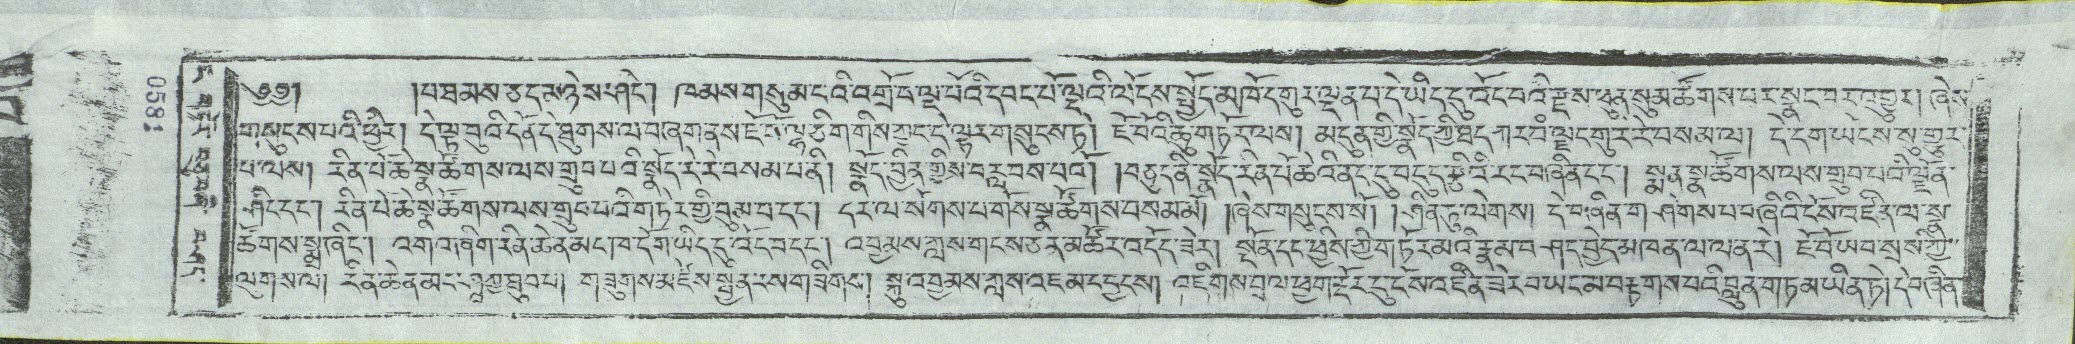༄༅། །པ་ཐམས་ཅད་མཉེས་ཤིང་། ཁམས་གསུམ་པའི་འགྲོ་བ་ལྔ་པོའི་དབང་པོ་ལྔའི་ལོངས་སྤྱོད་མཁོ་དགུར་ལྡན་པ་དེ་ཡིད་དུ་འོང་བའི་རྫས་ཕུན་སུམ་ཚོགས་པར་སྣང་བར་འགྱུར། ཞེ་
གསུངས་པའི་ཕྱིར། དེ་ལྟ་བུའི་དོན་དེ་ཐུགས་ལ་བཞག་ནས་ཇོ་བོ་ལྷ་ཅིག་གིས་ཀྱང་དེ་ལྟར་གསུངས་ཏེ། ཇོ་བོའི་ཆུ་གཏོར་ལས། མདུན་གྱི་སྣོད་ཀྱི་ཐ་དཀར་བཾ་ལྗང་གུ་རེ་རེ་བསམ་ལ། དེ་དག་ཡོངས་སུ་གྱུར་
པ་ལས། རིན་པོ་ཆེ་སྣ་ཚོགས་ལས་གྲུབ་པའི་སྣོད་རེ་རེ་བསམ་པ་ནི། སྣོད་བྱིན་གྱིས་བརླབས་པའོ། །བཅུད་ནི་སྣོད་རིན་པོ་ཆེའི་ནང་དུ་བདུད་རྩིའི་རང་བཞིན་དང་། སྨན་སྣ་ཚོགས་ལས་གྲུབ་པའི་ལྗོན་
ཤིང་དང་། རིན་པོ་ཆེ་སྣ་ཚོགས་ལས་གྲུབ་པའི་གཏེར་གྱི་བུམ་པ་དང་། དར་ལ་སོགས་པ་གོས་སྣ་ཚོགས་བསམ་མོ། །ཞེས་གསུངས་སོ། །ཤིན་ཏུ་ལེགས། དེ་བཞིན་གཤེགས་པ་བཞིའི་ངོས་འཛིན་ལ་སྣ་
ཚོགས་སྨྲ་ཞིང་། འགའ་ཞིག་རིན་ཆེན་མང་ཁ་དོག་ཡིད་དུ་འོང་བ་དང་། འབྱམས་ཀླས་གངས་ཅན་མཚོར་འདོད་ཟེར། སྔོན་དང་ཕྱིས་ཀྱི་གཏོར་མའི་རྣམ་བཤད་བྱེད་མཁན་ལ་ལ་ན་རེ། ཇོ་བོ་ཡབ་སྲས་ཀྱི་
ལུགས་ལ། རིན་ཆེན་མང་ཤཱཀྱ་ཐུབ་པ། གཟུགས་མཛེས་སྤྱན་རས་གཟིགས། སྐུ་འབྱམས་ཀླས་འཇམ་དབྱངས། འཇིགས་བྲལ་ཕྱག་རྡོར་དུ་ངོས་འཛིན་ཟེར་བ་ཡང་མ་རྟགས་པའི་བླུན་གཏམ་ཡིན་ཏེ། དེ་བཞིན་